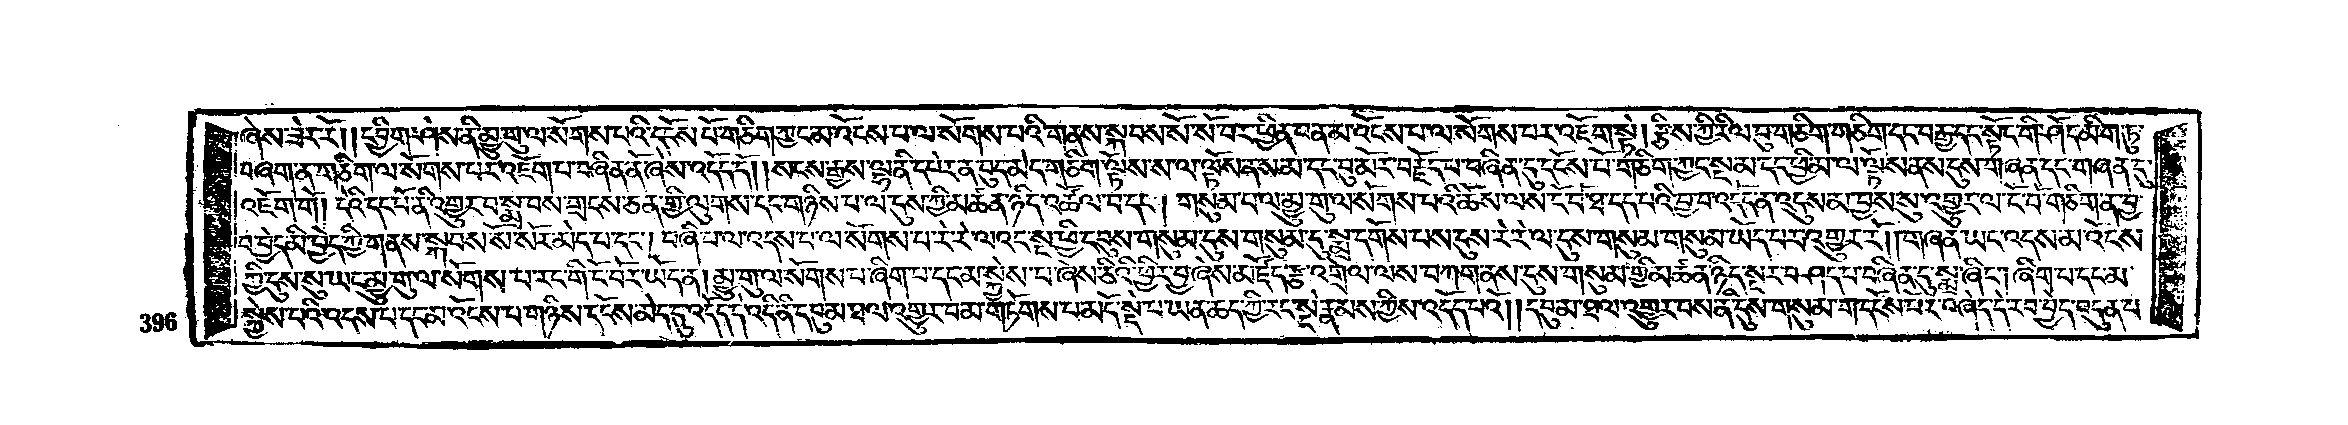ཞེས་ཟེར་རོ། །དབྱིག་ཤེས་ནི་མྱུ་གུ་ལ་སོགས་པའི་དངོས་པོ་གཅིག་ཀྱང་མ་འོངས་པ་ལ་སོགས་པའི་གནས་སྐབས་སོ་སོ་བར་ཕྱིན་པ་ན་མ་འོངས་པ་ལ་སོགས་པར་འཇོག་སྟེ། རྩིས་ཀྱི་རིལ་བུ་གཅིག་གཅིག་དང་བརྒྱ་དང་སྟོང་གི་ཤོད་མིག་ཏུ་
བཞག་ན་གཅིག་ལ་སོགས་པར་འཇོག་པ་བཞིན་ནོ་ཞེས་འདོད་དོ།། སངས་རྒྱས་ལྷ་ནི་དཔེར་ན་བུད་མེད་གཅིག་ལྟོས་ས་ལ་ལྟོས་ནས་མ་དང་བུ་མོར་བརྗོད་པ་བཞིན་དུ་དངོས་པོ་གཅིག་ཀྱང་སྔ་མ་དང་ཕྱི་མ་ལ་ལྟོས་ནས་དུས་གཞན་དང་གཞན་དུ་
འཇོག་གོ། དེའི་དང་པོ་ནི་འགྱུར་བ་སྨྲ་བས་གྲངས་ཅན་གྱི་ལུགས་དང་གཉིས་པ་ལ་དུས་ཀྱི་མཚན་ཉིད་འཆོལ་བ་དང་། གསུམ་པ་ལ་མྱུ་གུ་ལ་སོགས་པའི་ཆོས་ལས་ངོ་བོ་ཐ་དད་པའི་བྱ་བ་འདོད་ན་འདུས་མ་བྱས་སུ་འགྱུར་ལ་ངོ་བོ་གཅིག་ན་བྱ་
པ་བྱེད་མི་བྱེད་ཀྱི་གནས་སྐབས་སོ་སོར་མེད་པ་དང་། བཞི་པ་ལ་འདས་པ་ལ་སོགས་པ་རེ་རེ་ལའང་སྔ་ཕྱི་དབུས་གསུམ་དུས་གསུམ་དུ་སྨྲ་དགོས་པས་དུས་རེ་རེ་ལ་དུས་གསུམ་གསུམ་ཡོད་པར་འགྱུར་རོ་།གཞན་ཡང་འདས་མ་འོངས་
ཀྱི་དུས་སུ་ཡང་མྱུ་གུ་ལ་སོགས་པ་རང་གི་ངོ་བོར་ཡོད་ན། མྱུ་གུ་ལ་སོགས་པ་ཞིག་པ་དང་མ་སྐྱེས་པ་ཞེས་ཅིའི་ཕྱིར་བྱ་ཞེས་མཛོད་རྩ་འགྲེལ་ལས་བཀག་ནས་དུས་གསུམ་གྱི་མཚན་ཉིད་སྔར་བཤད་པ་བཞིན་དུ་སྨྲ་ཞིང་། ཞིག་པ་དང་མ་
སྐྱེས་པའི་འདས་པ་དང་མ་འོངས་པ་གཉིས་དངོས་མེད་དུ་འདོད་དེ་འདི་ནི་དབུ་མ་ཐལ་འགྱུར་བ་མ་གཏོགས་པ་མདོ་སྡེ་པ་ཡན་ཆད་ཀྱི་རང་སྡེ་རྣམས་ཀྱིས་འདོད་པའོ། །དབུ་མ་ཐལ་འགྱུར་བས་ནི་དུས་གསུམ་ག་དངོས་པོར་བཞེད་དེ་རབ་བྱེད་བདུན་པ་